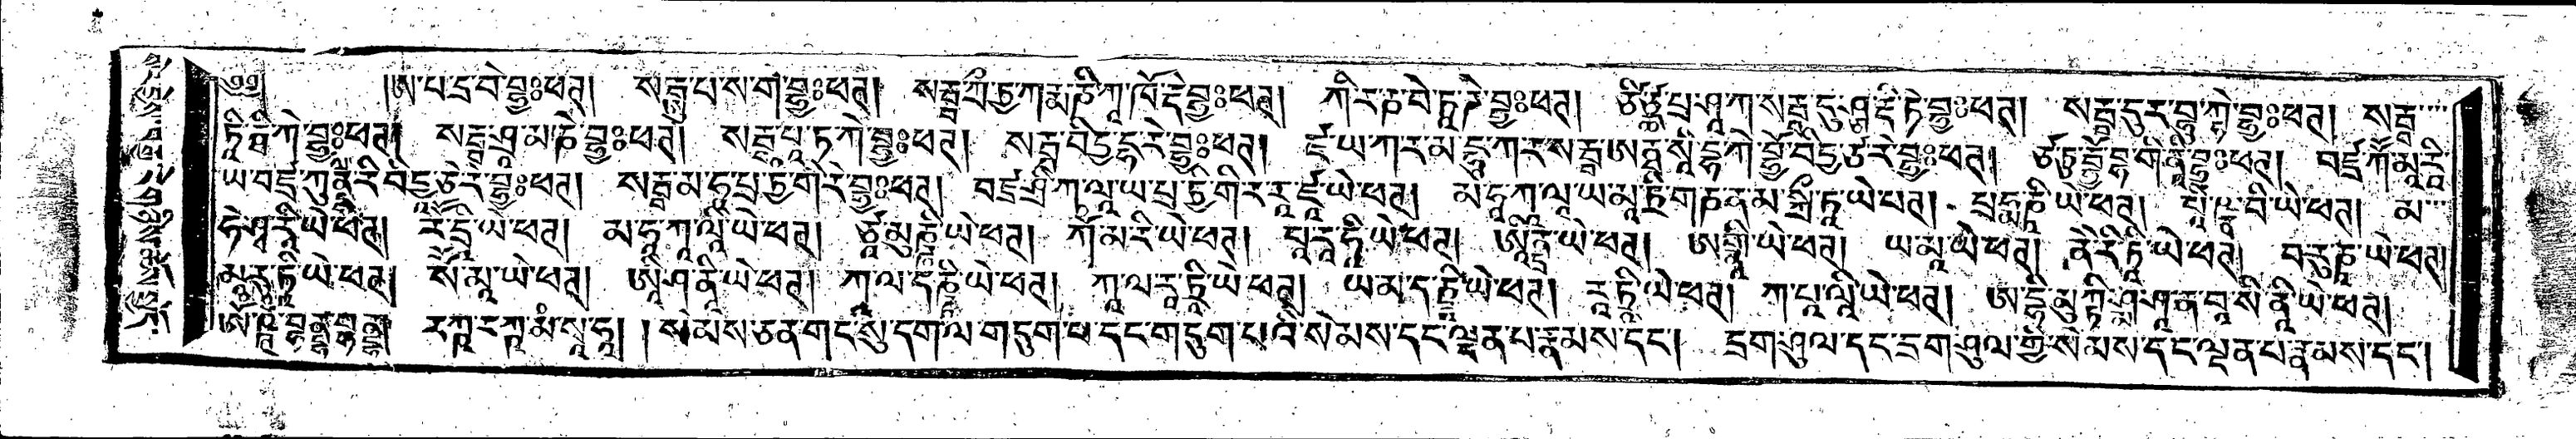༄༅། །ཨ་པ་དྲ་བེ་བྷྱཿ ཕཊ། སརྦུ་པ་ས་གེ་བྷྱཿ ཕཊ། སརྦྦ་ཀྲྀ་ཏྱ་ཀརྨ་ཎི་ཀཱ་ཁོ་རྡེ་བྷྱཿ ཕཊ། ཀི་ར་ཎ་བེ་ཏཱ་ཌེ་བྷྱཿ ཕཊ། ཙི་ཙྪ་པྲ་ཤཱ་ཀ་སརྦྦ་དུ་ཤྩ་རྡི་ཏེ་བྷྱཿ ཕཊ། སརྦྦ་དུར་བྷུ་ཁེ་བྷྱཿ ཕཊ། སརྦྦ་
ཏཱི་རྠི་ཀེ་བྷྱཿ ཕཊ། སརྦྦ་ཤྲཱ་མ་ཎེ་བྷྱཿ ཕཊ། སརྦྦ་པཱ་ཏ་ཀེ་བྷྱཿ ཕཊ། སརྦྦ་བིདྱ་དྷ་རེ་བྷྱཿ ཕཊ། ཛ་ཡ་ཀ་ར་མ་དྷུ་ཀ་ར་སརྦྦ་ཨརཊཿཨ་སཱི་དྷ་ཀེ་བྷྱོ་བི་དྱ་ཙ་རེ་བྷྱཿ ཕཊ། ཙ་ཏུ་རྦྷྱོ་བྷ་གི་ནཱི་བྷྱཿ ཕཊ། བྫྲ་ཀཽ་མཱ་རཱི་
ཡ་བྫྲ་ཀུ་ལནྡཱ་རི་བི་དྱཱ་ཅེ་རེ་བྷྱཿ ཕཊ། སརྦྦ་མ་ཧཱ་པྲ་ཏྱ་གི་རེ་བྷྱཿ ཕཊ། བྫྲ་ཤྲི་ཀཱ་ལཱ་ཡ་པྲ་ཏྱི་གི་ར་རཱ་ཛཱ་ཡེ་ཕཊ། མ་ཧཱ་ཀཱ་ལཱ་ཡ་མཱ་ཏྲི་ག་ཎ་ན་མ་སྐྲྀ་ཏཱ་ཡེ་ཕཊ། པྲ་ཧྨ་ཎཱི་ཡེ་ཕཊ། པཱི་ཥྣ་བི་ཡེ་ཕཊ། མ་
ཧེ་ཤྭ་རཱི་ཡེ་ཕཊ། རཽ་དྲཱི་ཡེ་ཕཊ། མ་ཧཱ་ཀཱ་ལཱི་ཡེ་ཕཊ། ཙཱ་མུ་ཎྜཱི་ཡེ་ཕཊ། ཀོ་མ་རི་ཡེ་ཕཊ། པཱ་རཱ་ཧཱི་ཡེ་ཕཊ། ཨཱིནྡྲ་ཡེ་ཕཊ། ཨགནཱི་ཡེ་ཕཊ། ཡ་མཱ་ཡེ་ཕཊ། ནཻ་རི་ཏཱི་ཡེ་ཕཊ། བ་རུ་ཎཱ་ཡི་ཕཊ།
མཉ་རུའ་ཏཱི་ཡེ་ཕཊ། སཽ་མཱ་ཡེ་ཕཊ། ཨཱི་ཤ་ནཱི་ཡེ་ཕཊ། ཀཱ་ལ་དཎྜཱི་ཡེ་ཕཊ། ཀཱ་ལ་རཱ་ཏྲཱི་ཡེ་ཕཊ། ཡ་མ་ད་ཎྜཱི་ཡེ་ཕཊ། རཱ་ཏྲཱི་ཡེ་ཕཊ། ཀ་པཱ་ལཱི་ཡེ་ཕཊ། ཨ་དྷི་མུ་ཀྟི་ཤྨ་ཤཱ་ན་བཱ་སི་ནཱི་ཡེ་ཕཊ།
ཨོ་ཥྚོ་བྷནྡྷ་བྷནྡྷ། རཀྵ་རཀྵ་མཾ་སྭཱ་ཧཱ། །སེམས་ཅན་གང་སུ་དག་ལ་གདུག་པ་དང་གདུག་པའི་སེམས་དང་ལྡན་པ་རྣམས་དང་། དྲག་ཤུལ་དང་དྲག་ཤུལ་གྱི་སེམས་དང་ལྡན་པ་རྣམས་དང་།